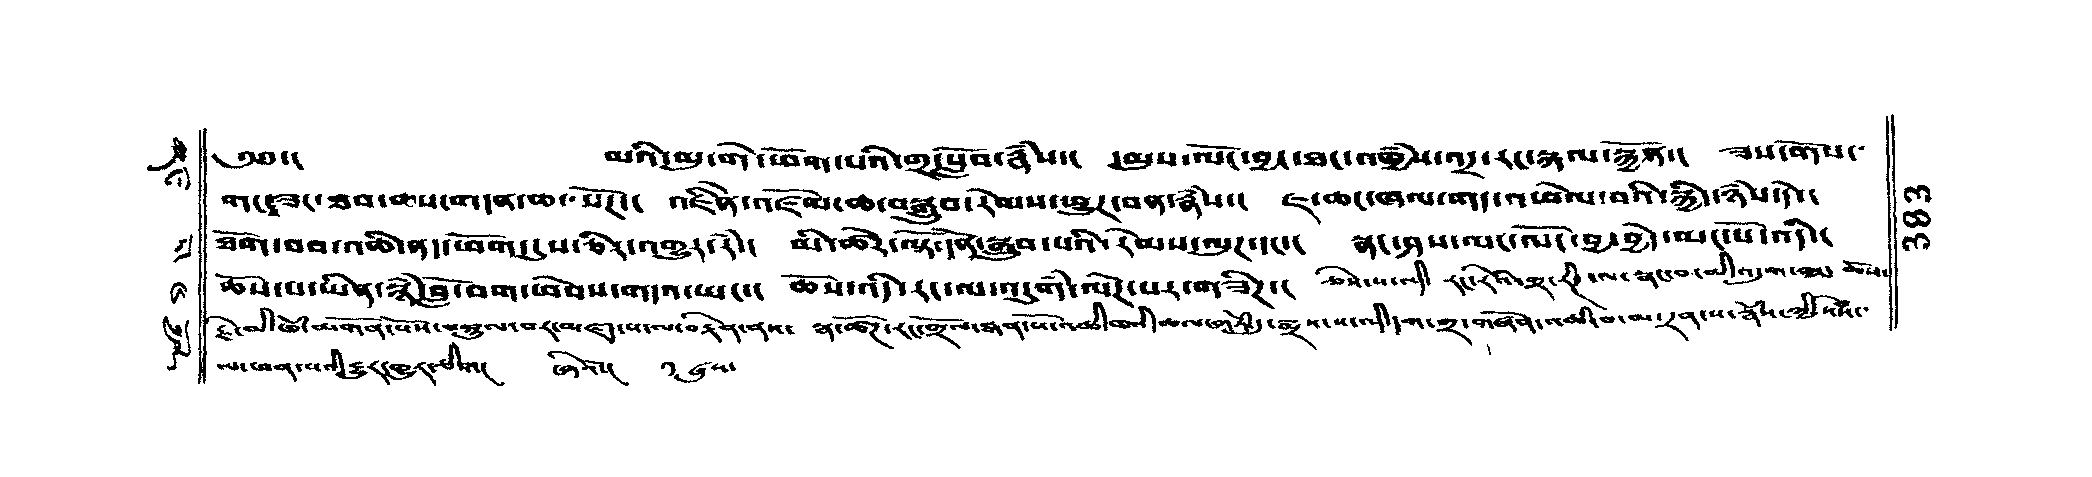མའི་མུ་གེ་ཕོག་པའི་གྲྭ་སློབ་རྣམས། །དམུས་ལོང་བྱང་ཐང་འཁྱམས་འདྲ་རང་སྐལ་སྐྱོན། །ཟས་གོས་
གང་བཟང་ཐབ་ཆས་གདན་ཆ་སོགས། །འཇིག་རྟེན་འཛོམ་ཆ་བསྒྲུབ་རེམས་ཕྱུག་བན་རྣམས། །ཇ་ཆང་ཞད་གད་འཕེལ་བའི་སྐྱིད་ཉམས་དེ། །
ཐོག་བབ་འཆི་ནད་ཕོག་དུས་ཅིར་འགྱུར་རམ། །མི་ཚེར་ལྟོ་དོན་སྒྲུབ་པའི་རེམས་ལུགས་དང་། སྣང་ཤས་ལང་ལོང་བྱ་བྱེད་མང་པོ་འདི། །
ཆོས་པ་ཡིན་སྙམ་བློ་བག་ཕེབས་གདའ་ཡང་། །ཆོས་འདི་རང་ལ་འདུག་གམ་ལེགས་པར་གཟིགས། ཅེས་པ་འདི་རང་རེའི་གྲྭ་རིགས་ལ་སྣང་བ་མི་འདུག་ཀྱང་། ཆོས་
རྗེ་མི་ཕམ་མགོན་པོས་བསྐུལ་བར་མཛད་པ་ལ་བརྟེན་ནས། སྣ་ཚོགས་རང་གྲོལ་རྒན་པོ་འཆི་ཁའི་འཆལ་གཏམ་དུ་སྨྲས་པ་འདི་དག་གྲ་གཞོན་འཆི་བ་མ་དྲན་པ་རྣམས་ཀྱི་སེམས་
ལ་ཕན་པའི་རྒྱུར་གྱུར་ཅིག། དགེའོ།།